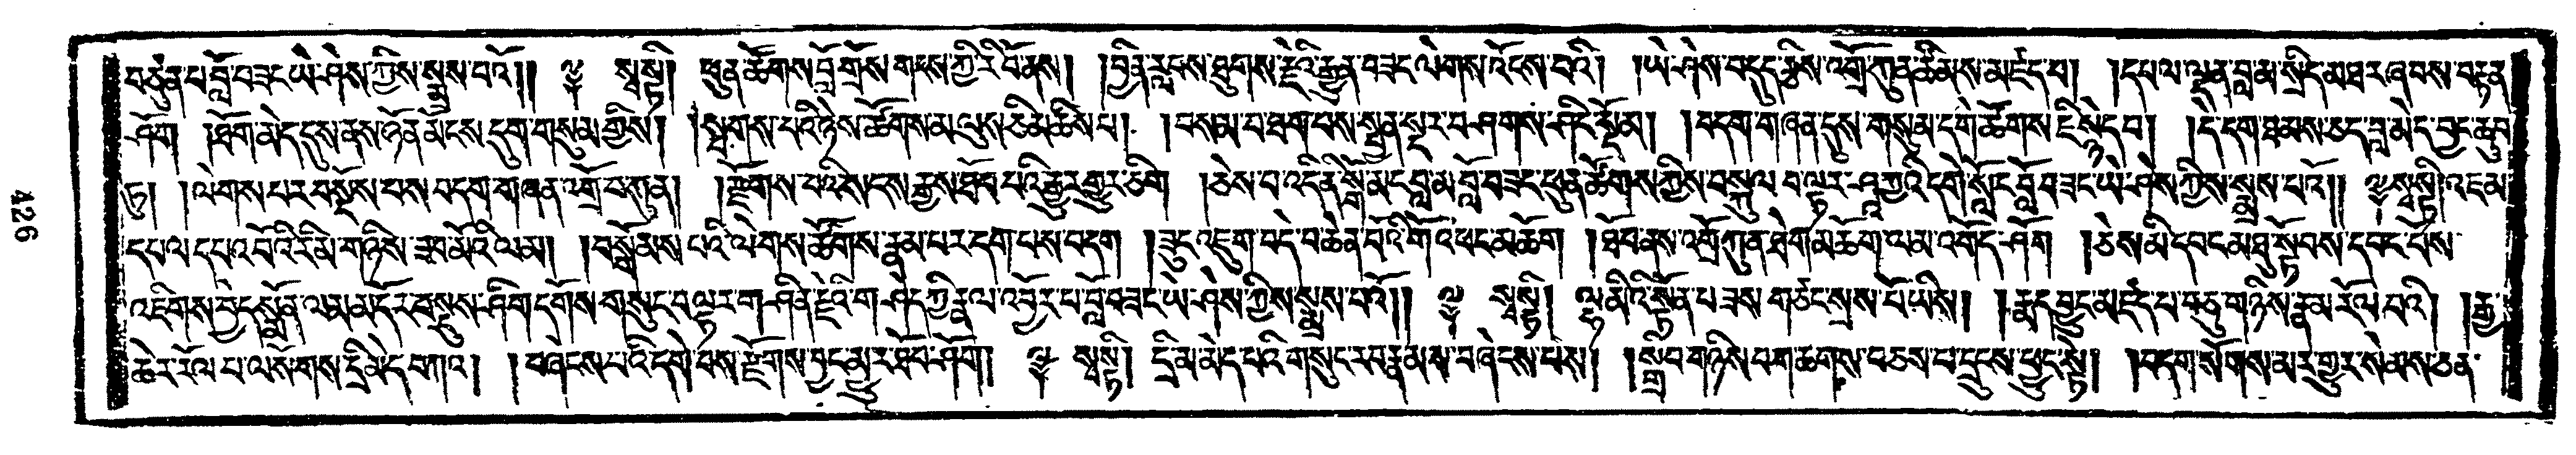བཙུན་པ་བློ་བཟང་ཡེ་ཤེས་ཀྱིས་སྨྲས་བའོ།། ༈ སྭསྟི། ཕུན་ཚོགས་བློ་གྲོས་གངས་ཀྱི་རི་བོ་ནས། །བྱིན་རླབས་ཐུགས་རྗེའི་རྒྱུན་བཟང་ལེགས་འོངས་བའི། །ཡེ་ཤེས་བདུད་རྩིས་འགྲོ་ཀུན་ཚིམས་མཛད་པ། །དཔལ་ལྡན་བླ་མ་སྲིད་མཐར་ཞབས་བརྟན་
ཤོག །ཐོག་མེད་དུས་ནས་ཉོན་མོངས་དུག་གསུམ་གྱིས། །སྦགས་པའི་ཉེས་ཚོགས་མ་ལུས་ཅི་མཆིས་པ། །བསམ་བ་ཐག་བས་སྤྱན་སྔར་བཤགས་ཤིང་སྔོམ། །བདག་གཞན་དུས་གསུམ་དགེ་ཚོགས་ཇི་སྙེད་བ། །དེ་དག་ཐམས་ཅད་བླ་མེད་བྱང་ཆུབ་
ཏུ། །ལེགས་པར་བསྔོས་པས་བདག་གཞན་འགྲོ་བ་ཀུན། །རྫོགས་པའི་སངས་རྒྱས་ཐོབ་པའི་རྒྱུར་གྱུར་ཅིག །ཅེས་པ་འདི་ནི་སྒོ་མང་བླ་མ་བློ་བཟང་ཕུན་ཚོགས་ཀྱིས་བསྐུལ་བ་ལྟར་ཤཱཀྱའི་དགེ་སློང་བློ་བཟང་ཡེ་ཤེས་ཀྱིས་སྨྲས་པའོ།། ༈ སྭསྟི། འཇམ་
དཔལ་དཔའ་བོའི་རིམ་གཉིས་ཟབ་མོའི་ལམ། །བསྒོམས་པའི་ལེགས་ཚོགས་རྣམ་པར་དག་པར་བདག །ཟུང་འཇུག་བདེ་བ་ཆེན་པོའི་གོ་འཕང་མཆོག །ཐོབ་ནས་འགྲོ་ཀུན་ཐེག་མཆོག་ལམ་འགོད་ཤོག །ཅེས་མི་དབང་མཐུ་སྟོབས་དབང་པོས་
འཇིགས་བྱེད་སྨོན་ལམ་མདོར་བསྡུས་ཤིག་དགོས་གསུང་བ་ལྟར་གཤིན་རྗེའི་གཤེད་ཀྱི་རྣལ་འབྱོར་པ་བློ་བཟང་ཡེ་ཤེས་ཀྱིས་སྨྲས་པའོ།། ༈ སྭསྟི། ལྷ་མིའི་སྟོན་པ་ཟས་གཙང་སྲས་པོ་ཡིས། །རྨད་བྱུང་མཛད་པ་བཅུ་གཉིས་རྣམ་རོལ་བའི། །རྒྱ་
ཆེར་རོལ་པ་ལ་སོགས་དྲི་མེད་བཀའ། །བཞེངས་པའི་དགེ་བས་རྫོགས་བྱང་མྱུར་ཐོབ་ཤོག། ༈ སྭསྟི། དྲི་མ་མེད་པའི་གསུང་རབ་རྣམས་བཞེངས་པས། །སྒྲིབ་གཉིས་བག་ཆགས་བཅས་པ་དྲུངས་ཕྱུང་སྟེ། །བདག་སོགས་མར་གྱུར་སེམས་ཅན་